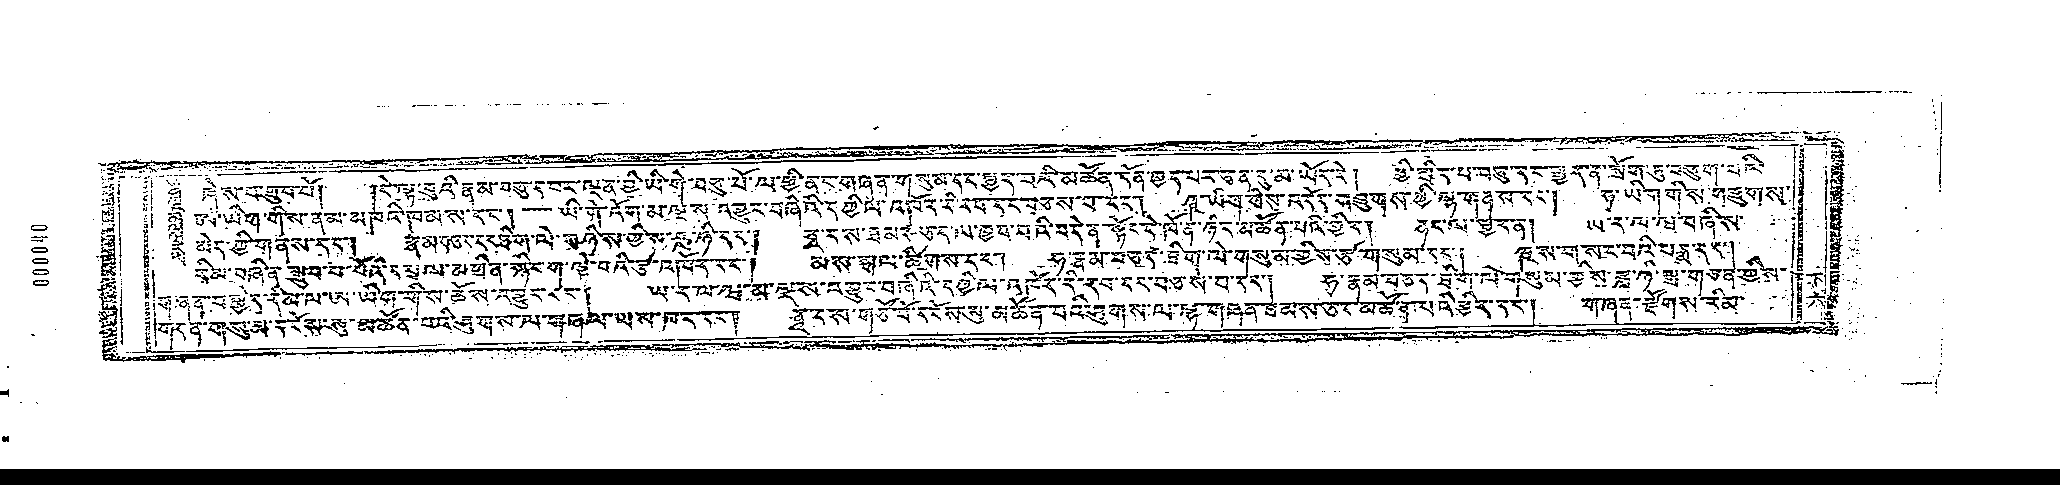དཀྵམྭཱརྱ་ཞེས་བ་གྲུབ་པོ། །དེ་ལྟ་བུའི་རྣམ་བཅུ་དབང་ལྡན་གྱི་ཡི་གེ་བཅུ་པོ་ལ་ཕྱི་ནང་གཞན་གསུམ་དང་སྦྱར་བའི་མཚོན་དོན་ཁྱད་པར་ཅན་དུ་མ་ཡོད་དེ། ཕྱི་སྣོད་བཅུ་དང་སྦྱར་ན་སྲོག་ཏུ་བཅུག་པའི་
ཨ་ཡིག་གིས་ནམ་མཁའི་ཁམས་དང་། ཡི་གེ་འོག་མ་ལྔས་འབྱུང་བཞིའི་དཀྱིལ་འཁོར་རི་རབ་དང་བཅས་པ་དང་། ཀྵ་ཡིག་གིས་འདོད་གཟུགས་ཀྱི་ལྷ་གནས་དང་། ཏ་ཡིག་གིས་གཟུགས་
མེད་ཀྱི་གནས་དང་། རྣམ་བཅད་དང་ཐིག་ལེ་གཉིས་ཀྱིས་ཟླ་ཉི་དང་། ནཱ་དས་ཐམས་ཅད་ལ་ཁྱབ་པའི་བདེན་སྟོང་དེ་ཁོ་ན་ཉིད་མཚོན་པའི་ཕྱིར། ནང་ལ་སྦྱར་ན། ཡ་ར་ལ་ཝ་བཞིས་
རིམ་བཞིན་སྒྲུབ་པ་པོའི་དཔྲལ་མགྲིན་སྙིང་ག་ལྟེ་བའི་རྩ་འཁོར་དང་། མས་སྒྲལ་ཚིགས་དང་། ཧ་རྣམ་བཅད་ཐིག་ལེ་གསུམ་གྱིས་རྩ་གསུམ་དང་། ཀྵས་གསང་བའི་པདམ་དང་།
གཞན་བསྐྱེད་རིམ་ལ་ཨ་ཡིག་གིས་ཆོས་འབྱུང་དང་། ཡ་ར་ལ་ཝ་མ་ལྔས་འབྱུང་བཞིའི་དཀྱིལ་འཁོར་རི་རབ་དང་བཅས་པ་དང་། ཧ་རྣམ་བཅད་ཐིག་ལེ་གསུམ་གྱིས་ཟླ་ཉི་སྒྲ་གཅན་ཀྱིས་
གདན་གསུམ་དངོས་སུ་མཚོན་པའི་ཤུགས་ལ་གཞལ་ཡས་ཁང་དང་། ནཱ་དས་གཙོ་བོ་དངོས་སུ་མཚོན་བའི་ཤུགས་ལ་ལྷ་གཞན་ཐམས་ཅད་མཚོན་པའི་ཕྱིར་དང་། གཞན་རྫོགས་རིམ་